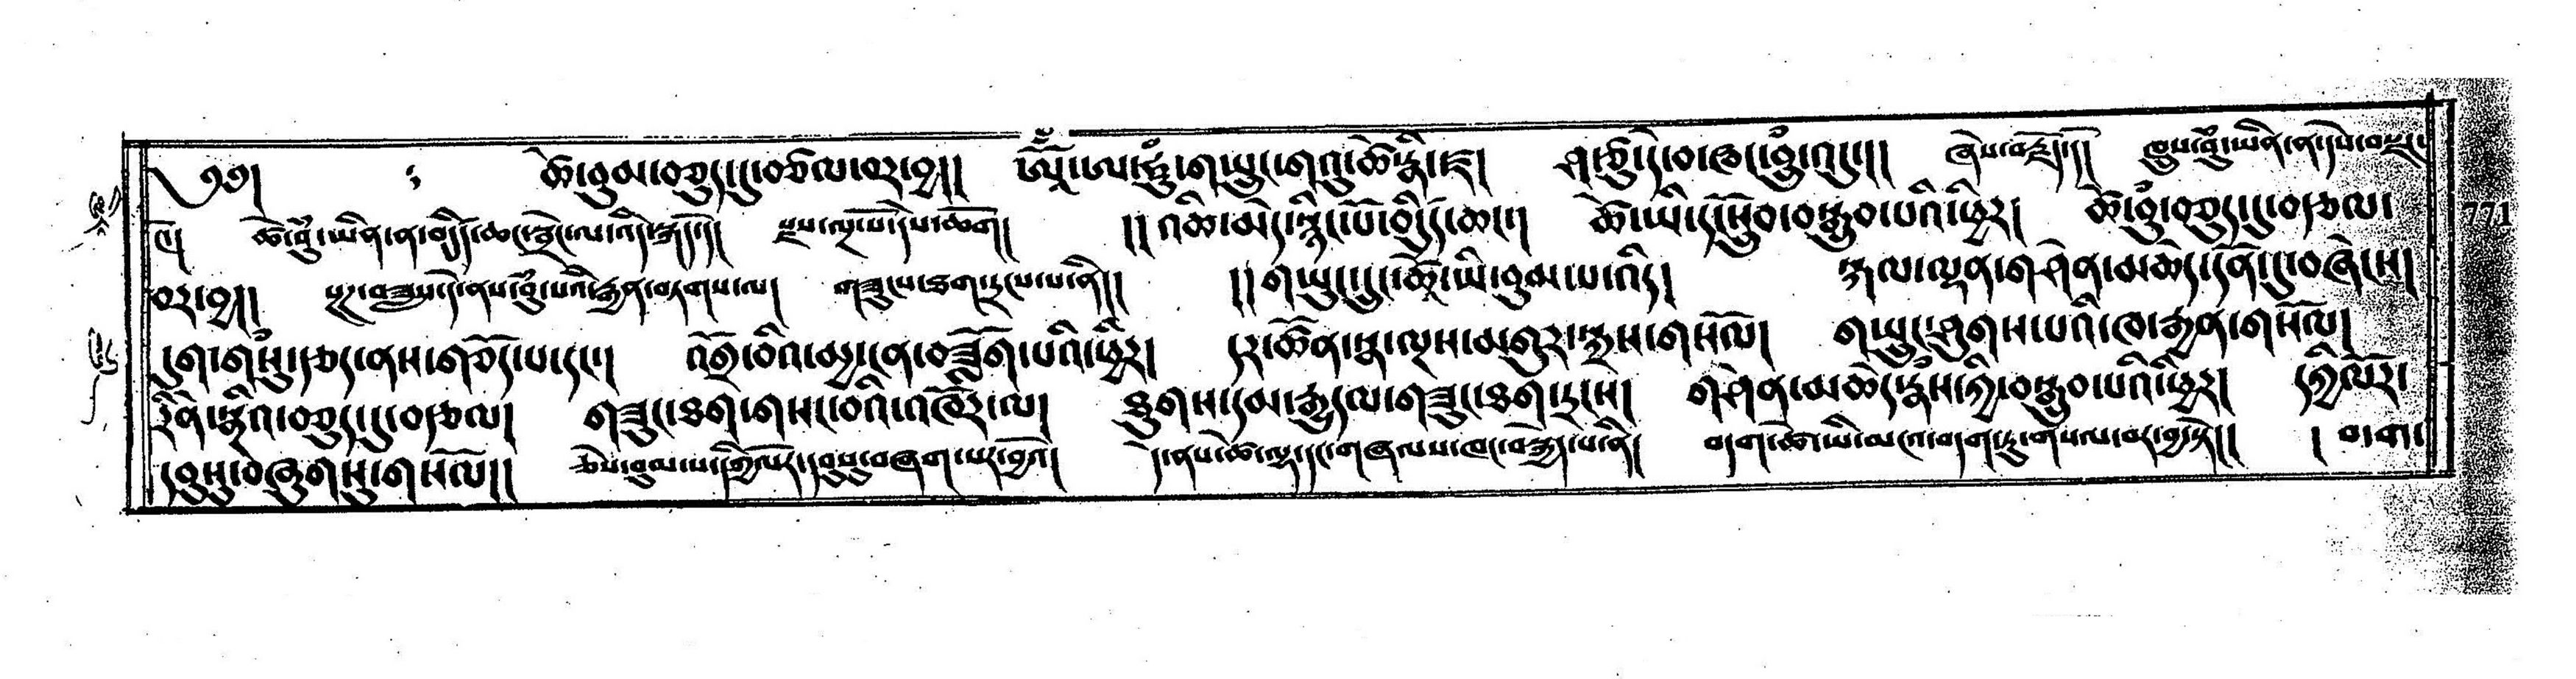ཚེ་བུམ་བཅུད་དུ་བཙལ་བར་བྱ།། ཨཱོཾ་ཨ་ཧཱུཾ་གཡུང་དྲུང་གའུ་ཚེ་རྣི་ཛ། ཤེ་ཙུ་དེ་བ་ཝང་བྲུཾ་འདུ།། ཞེས་བརྗོད་དོ།། ཁྲུས་བུམ་ཡིན་ན་དེས་བརྗང་
ངོ་། ཚེ་བུམ་ཡིན་ན་བདུད་རྩི་ཆང་སྦྲེང་ལ་འདི་སྐད་དོ། རྫས་ལྔ་པོ་དེས་ཆོག །།འཆི་མེད་སྙིང་པོ་བདུད་རྩི་ཆང་། ཚེ་ཡི་དངོས་གྲུབ་བསྒྲུབ་པའི་ཕྱིར། ཚེ་བུམ་བཅུད་དུ་བརྩལ་
བར་བྱ།། སྔགས་བཟླས་དེ་ནས་བུམ་པའི་རྒྱན་བཏགས་ལ། གཟུངས་ཐག་དྲངས་པ་ནི།། །།གཡུང་དྲུང་ཚྭེ་ཡི་བུམ་པ་འདི། སྐལ་ལྡན་གཤེན་མཆེད་དོན་དུ་བཞེངས། 
དུག་གསུམ་རྩད་ནས་གཅོད་པ་དང་། འགྲོ་བའི་མྱ་ངན་བཟློག་པའི་ཕྱིར། དར་ཚོན་སྣ་ལྔས་མགུར་སྐྲས་གསོལ། གཡུང་དྲུང་ཤུགས་པའི་ཁ་རྒྱན་གསོལ། 
རིན་ཆེན་སྣ་ལྔའི་བཅུད་དུ་བརྩལ། གཟུང་ཐག་གསང་བའི་འཁོར་ལ། ཐུགས་དམ་རྒྱུད་བསྐུལ་གཟུང་ཐག་དྲངས། གཤེན་མཆེད་རྣམས་ཀྱིས་བསྒྲུབ་པའི་ཕྱིར། དཀྱིལ་འཁོར་
དབུས་སུ་བཞུགས་སུ་གསོལ།། ཅེས་བུམ་པ་དཀྱིལ་འཁོར་དབུས་སུ་བཞག་པར་བྱའོ། དེ་ནས་ཚེ་ལྷ་དང་གཞལ་ཡས་ཁང་བསྐྱེད་པ་ནི། བདག་ཚེ་ཡི་མངའ་བདག་ཏུ་གསལ་བར་བྱ་སྟེ།། །བདག་